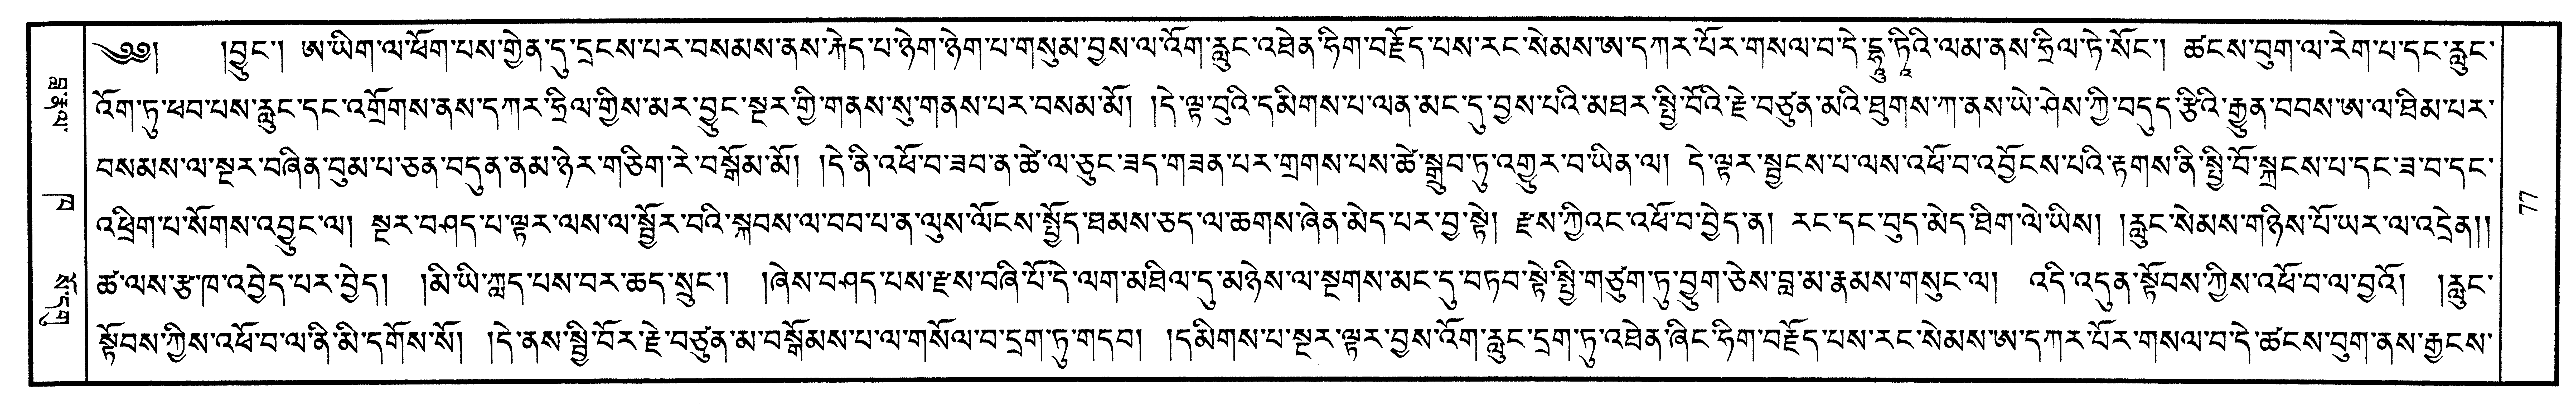༄༅། །བྱུང་། ཨ་ཡིག་ལ་ཕོག་པས་གྱེན་དུ་དྲངས་པར་བསམས་ནས་རྐེད་པ་ཉེག་ཉེག་པ་གསུམ་བྱས་ལ་འོག་རླུང་འཐེན་ཧིག་བརྗོད་པས་རང་སེམས་ཨ་དཀར་པོར་གསལ་བ་དེ་དྷཱུ་ཏཱིའི་ལམ་ནས་ཧྲིལ་ཏེ་སོང་། ཚངས་བུག་ལ་རེག་པ་དང་རླུང་
འོག་ཏུ་ཕབ་པས་རླུང་དང་འགྲོགས་ནས་དཀར་ཧྲིལ་གྱིས་མར་བྱུང་སྔར་གྱི་གནས་སུ་གནས་པར་བསམ་མོ། །དེ་ལྟ་བུའི་དམིགས་པ་ལན་མང་དུ་བྱས་པའི་མཐར་སྤྱི་བོའི་རྗེ་བཙུན་མའི་ཐུགས་ཀ་ནས་ཡེ་ཤེས་ཀྱི་བདུད་རྩིའི་རྒྱུན་བབས་ཨ་ལ་ཐིམ་པར་
བསམས་ལ་སྔར་བཞིན་བུམ་པ་ཅན་བདུན་ནམ་ཉེར་གཅིག་རེ་བསྒོམ་མོ། །དེ་ནི་འཕོ་བ་ཟབ་ན་ཚེ་ལ་ཅུང་ཟད་གཟན་པར་གྲགས་པས་ཚེ་སྒྲུབ་ཏུ་འགྱུར་བ་ཡིན་ལ། དེ་ལྟར་སྦྱངས་པ་ལས་འཕོ་བ་འབྱོངས་པའི་རྟགས་ནི་སྤྱི་བོ་སྐྲངས་པ་དང་ཟ་བ་དང་
འཕྲིག་པ་སོགས་འབྱུང་ལ། སྔར་བཤད་པ་ལྟར་ལས་ལ་སྦྱོར་བའི་སྐབས་ལ་བབ་པ་ན་ལུས་ལོངས་སྤྱོད་ཐམས་ཅད་ལ་ཆགས་ཞེན་མེད་པར་བྱ་སྟེ། རྫས་ཀྱིའང་འཕོ་བ་བྱེད་ན། རང་དང་བུད་མེད་ཐིག་ལེ་ཡིས། །རླུང་སེམས་གཉིས་པོ་ཡར་ལ་འདྲེན།།
ཚ་ལས་རྩ་ཁ་འབྱེད་པར་བྱེད། །མི་ཡི་ཀླད་པས་བར་ཆད་སྲུང་། །ཞེས་བཤད་པས་རྫས་བཞི་པོ་དེ་ལག་མཐིལ་དུ་མཉེས་ལ་སྔགས་མང་དུ་བཏབ་སྟེ་སྤྱི་གཙུག་ཏུ་བྱུག་ཅེས་བླ་མ་རྣམས་གསུང་ལ། འདི་འདུན་སྟོབས་ཀྱིས་འཕོ་བ་ལ་བྱའོ། །རླུང་
སྟོབས་ཀྱིས་འཕོ་བ་ལ་ནི་མི་དགོས་སོ། །དེ་ནས་སྦྱི་བོར་རྗེ་བཙུན་མ་བསྒོམས་པ་ལ་གསོལ་བ་དྲག་ཏུ་གདབ། །དམིགས་པ་སྔར་ལྟར་བྱས་འོག་རླུང་དྲག་ཏུ་འཐེན་ཞིང་ཧིག་བརྗོད་པས་རང་སེམས་ཨ་དཀར་པོར་གསལ་བ་དེ་ཚངས་བུག་ནས་རྒྱངས་